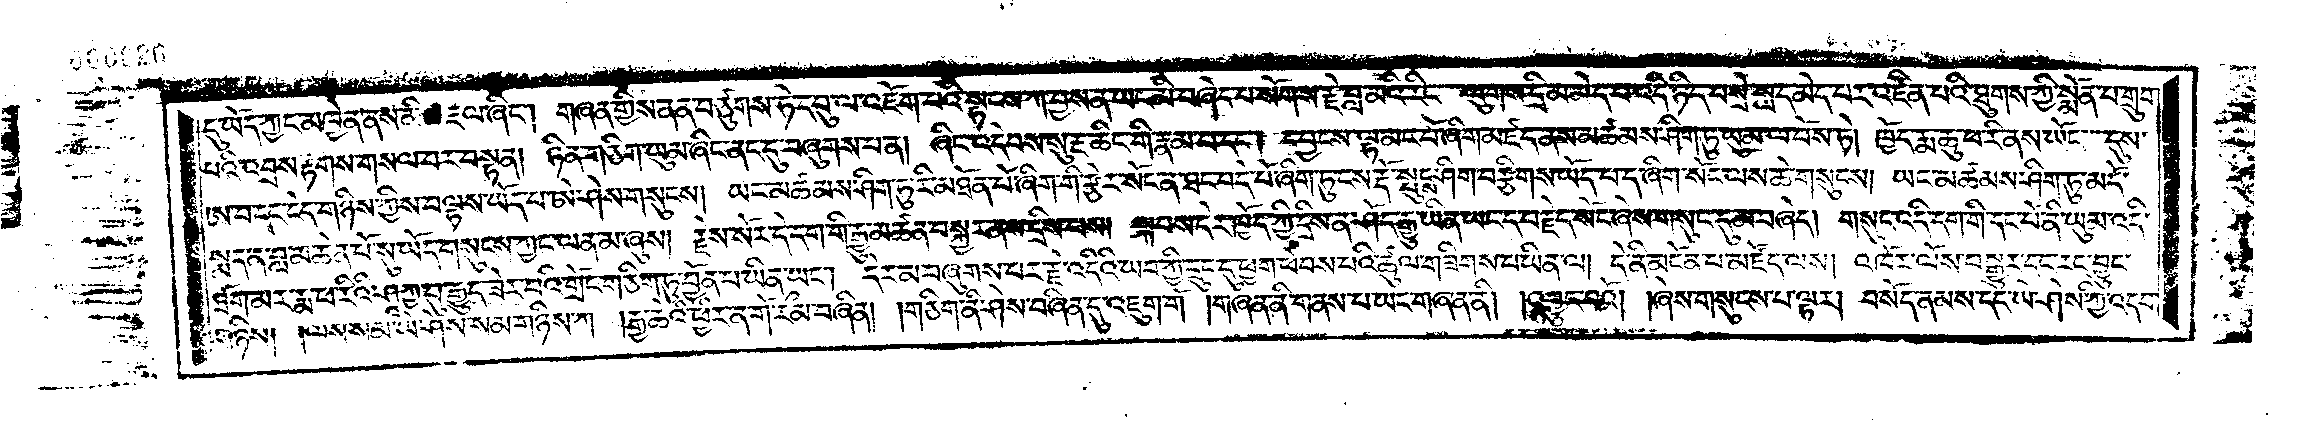དུ་ཡོད་ཀྱང་མཁྱེན་ནས་མི་མཇལ་ཞིང་། གཞན་གྱིས་ནན་བཙུགས་ཏེ་དབུ་ལ་འཇོག་པའི་སྟངས་ཀ་བྱས་ན་ཡང་མི་བཞེད་པ་སོགས་རྗེ་བླ་མའི་རིང་ལུགས་དྲི་མ་མེད་པ་འདི་ཉིད་བསྲེ་སླད་མེད་པར་འཛིན་པའི་ཐུགས་ཀྱི་སྨོན་པ་གྲུབ་
པའི་འབྲས་རྟགས་གསལ་བར་བསྟན། ཉིན་གཅིག་ཡུམ་ཞིང་ནང་དུ་བཞུགས་པ་ན། ཞིང་འདེབས་སུ་རྔ་ཆིང་གི་རྣམ་པ་དང་། དབྱངས་ལྟ་མང་པོ་ཞིག་མཛད་ནས་མཚམས་ཤིག་ཏུ་ཡུམ་ལ་བོས་ཏེ། ཁྱོད་རྨ་ཆུ་ཕ་རི་ནས་ཡོང་དུས་
ཨ་བ་དང་ངེད་གཉིས་ཀྱིས་བལྟས་ཡོད་པ་ཨེ་ཤེས་གསུངས། ཡང་མཚམས་ཤིང་ཏུ་རི་མཐོན་པོ་ཞིག་གི་རྩེར་སོང་ན་ཐང་བདེ་པོ་ཞིག་ཏུ་ངས་རྡོ་སྤུངས་ཤིག་བརྩིགས་ཡོད་པ་ད་ཞིག་སོང་ལས་ཆེ་གསུངས། ཡང་མཚམས་ཤིག་ཏུ་མདོ་
སྨད་ན་བླ་མ་ཆེན་པོ་སུ་ཡོད་གསུངས་ཀྱང་ལན་མ་ཞུས། རྗེས་སོར་དེ་དག་གི་རྒྱུ་མཚན་བསྐྱར་ནས་དྲིས་པས། སྐབས་དེར་ཁྱོད་ཀྱི་དྲིས་ན་ཤོད་རྒྱུ་ཡིན་ཡང་ད་བརྗེད་སོང་ཞེས་གསུང་དུ་མ་བཞེད། གསུང་འདི་དག་གི་དང་པོ་ནི་ཡུམ་འདི་
ཐོག་མར་རྨ་ཕ་རིའི་ཤཱཀྱ་བུ་རྒྱུད་ཟེར་བའི་གྲོང་གཅིག་ཏུ་བྱོན་པ་ཡིན་ཡང་། ངེར་མ་བཞུགས་པར་རྗེ་འདིའི་ཡབ་ཀྱི་དྲུང་དུ་ཕྱག་ཕེབས་པའི་ཚུལ་གཟིགས་པ་ཡིན་ལ། དེ་ནི་མངོན་པ་མཛོད་ལས། འཁོར་ལོས་བསྒྱུར་དང་རང་བྱུང་
གཉིས། །ལས་སམ་ཡི་ཤེས་སམ་གཉིས་ཀ །རྒྱ་ཆེའི་ཕྱིར་ན་གོ་རྀམ་བཞིན། །གཅིག་ནི་ཤེས་བཞིན་དུ་འཇུག་གོ །གཞན་ནི་གནས་པ་ཡང་གཞན་ནི། །འབྱུང་བའོ། །ཞེས་གསུངས་པ་ལྟར། བསོད་ནམས་དང་ཡེ་ཤེས་ཀྱི་འདབ་